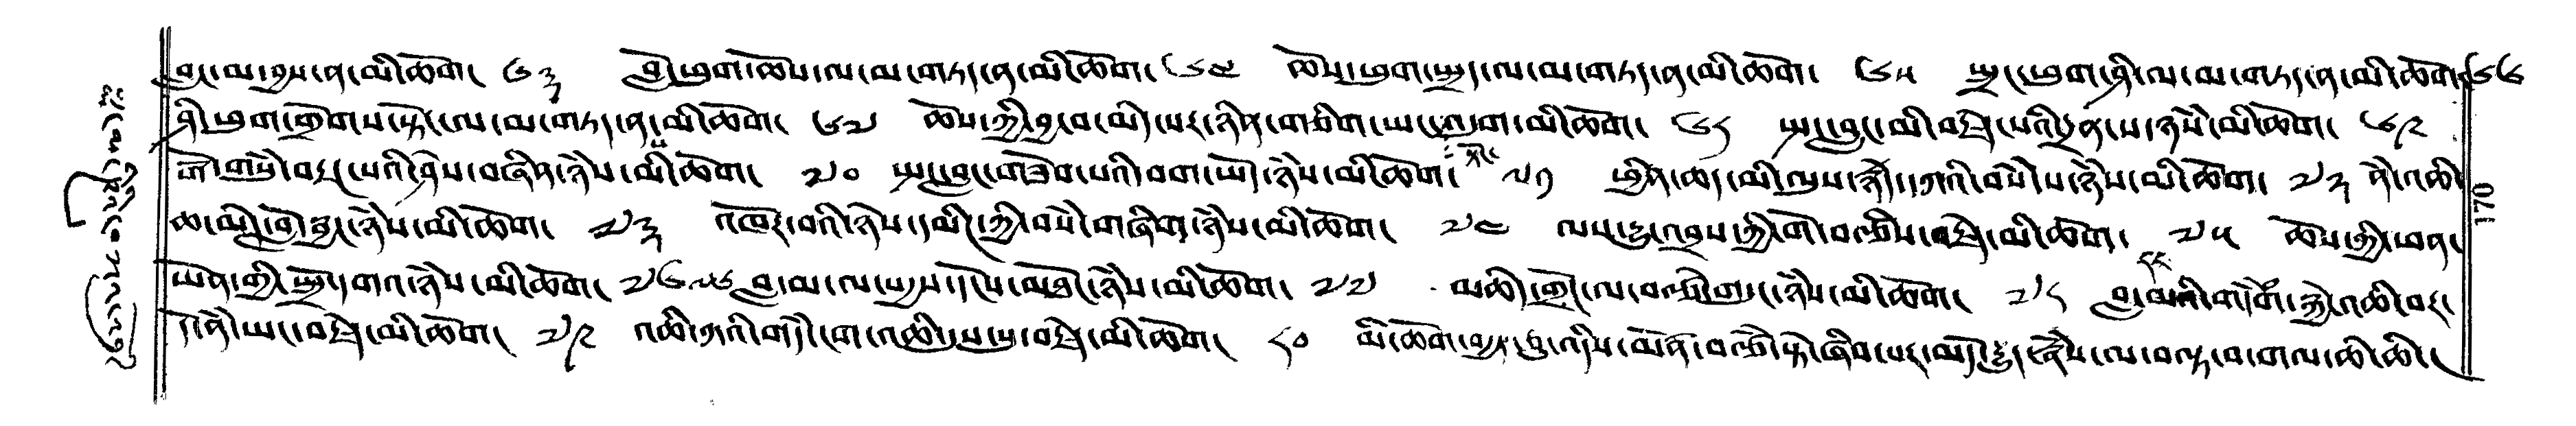བླང་མ་བྱས་ན་མི་ཆོག ༦༣ བློ་ཕུག་ཆོས་ལ་མ་གཏད་ན་མི་ཆོག ༦༤ ཆོས་ཕུག་སྤྲད་ལ་མ་གཏད་ན་མི་ཆོག ༦༥ སྤྲང་ཕུག་ཤི་ལ་མ་གཏད་ན་མི་ཆོག ༦༦ 
ཤི་ཕུག་གྲོག་སྟོང་ལ་མ་གཏད་ན་མི་ཆོག ༦༧ ཆོས་ཀྱི་བྱ་བ་མེད་པར་ཉིན་གཅིག་ཡང་སྟོང་འདུག་མི་ཆོག ༦༨ སྤང་བླང་མི་བརྗེད་པའི་དྲན་པ་ཉམས་མི་ཆོག ༦༩ 
སྒོ་གསུམ་བརྟག་པའི་ཤེས་བཞིན་ཉམས་མི་ཆོག ༧༠ སྤང་བླང་གཟབ་པའི་བག་ཡོད་ཉམས་མི་ཆོག ༧༡ ཕྱིན་ཆད་མི་ལུས་རྙེད་དཀའི་བསམ་པ་ཉམས་མི་ཆོག ༧༢ ནམ་འཆི་
ཆ་མེད་བློ་སྦྱོང་ཉམས་མི་ཆོག ༧༣ འཁོར་བའི་ཉེས་དམིགས་ཀྱི་བསམ་གཞིག་ཉམས་མི་ཆོག ༧༤ ལས་རྒྱུ་འབྲས་ཀྱི་གོ་བརྩིས་བརྗེད་མི་ཆོག ༧༥ ཆོས་ཀྱི་ཕན་
ཡོན་གྱི་སྤྲོ་དགའ་ཉམས་མི་ཆོག ༧༦ བླ་མ་ལ་སངས་རྒྱས་དངོས་མཐོང་ཉམས་མི་ཆོག ༧༧ མཆེད་གྲོགས་ལ་བརྩེ་གདུང་ཉམས་མི་ཆོག ༧༨ བླ་མ་དང་གདམ་ངག་སྐྱེ་འཆི་བར་
དེ་ནམ་ཡང་བརྗེད་མི་ཆོག ༧༩ འཆི་ཀའི་གདམས་ངག་འཆི་དུས་སུ་བརྗེད་མི་ཆོག ༨༠ མི་ཆོག་བརྒྱད་ཅུ་འདིས་མཚོན་བརྩམས་ཏེ་ཞིབ་པར་མདོ་རྒྱུད་རྣམས་ལ་ལྟ་བ་གལ་ཆེ་ཆེ། །